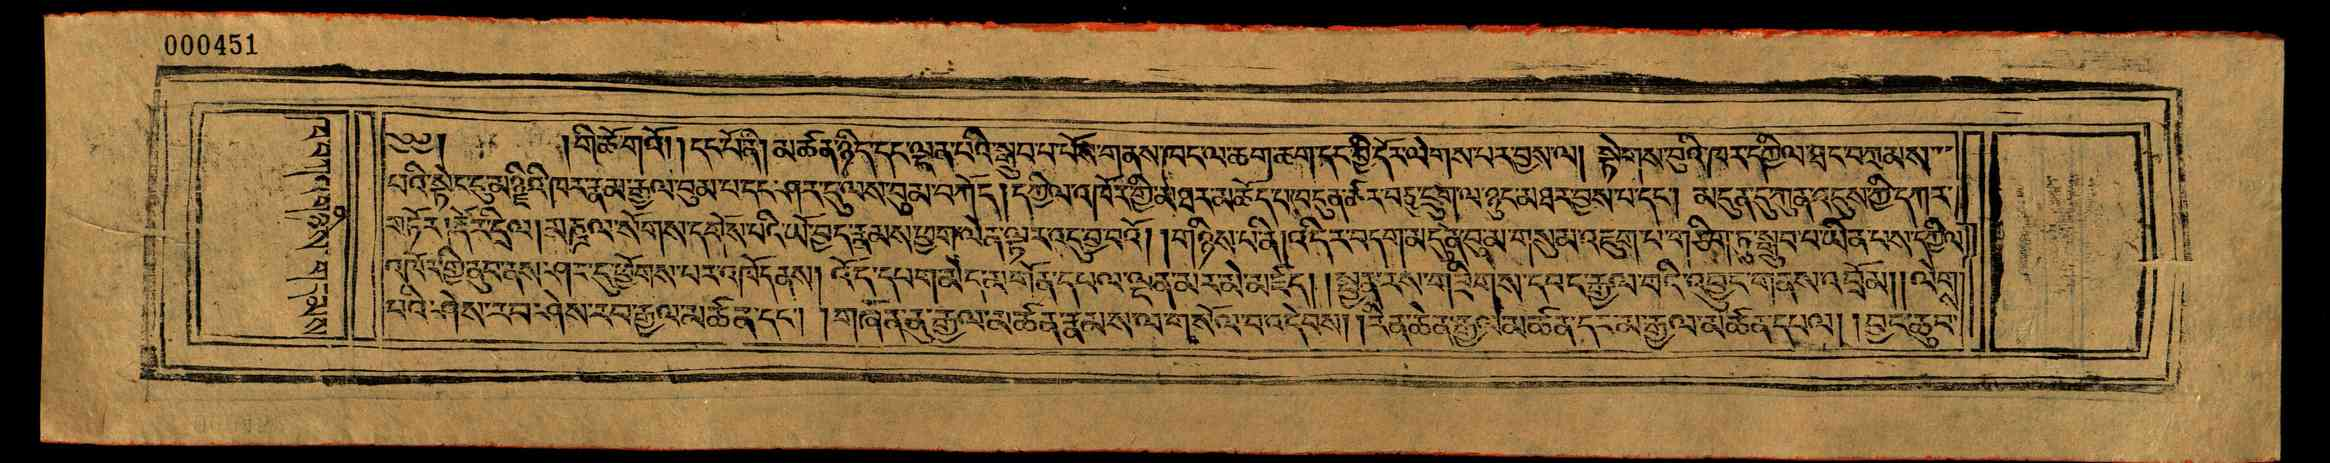༄༅། །གི་ཆོ་གའོ། །དང་པོ་ནི། མཚན་ཉིད་དང་ལྡན་པའི་སྒྲུབ་པ་པོས་གནས་ཁང་ལ་ཆག་ཆག་དང་བྱི་དོར་ལེགས་པར་བྱས་ལ། སྟེགས་བུའི་ཁར་དཀྱིལ་ཐང་བཀྲམས་
པའི་སྟེང་དུ་མཉྫིའི་ཁར་རྣམ་རྒྱལ་བུམ་པ་དང་ཤར་དུ་ལས་བུམ་བཀོད། དཀྱིལ་འཁོར་གྱི་མཐར་མཆོགས་བདུན་ཚར་བཅུ་དྲུག་ལ་བྱུང་མཐར་བྱས་པ་གང་། མདུན་དུ་ཀུན་འདུས་ཀྱི་དཀར་
གཏོར། རྔོར་དྲིས། མཎྜལ་སོགས་དགོས་པའི་ཡོ་བྱད་རྣམས་ཕྱག་ལེན་སྟར་འདུ་བྱ་བའོ། །གཉིས་པ་ནི། འདིར་བདག་མདུན་བུམ་གསུམ་འཇུགས་གཅིག་ཏུ་སྒྲུབ་པ་ཡིན་པས་དཀྱིལ་
འཁོར་གྱི་ནུབ་ནས་ཤར་དུ་ཕྱོགས་པར་འཁོད་ནས། འོད་དཔག་མེད་མགོར་དཔལ་ལྡན་མར་མེ་མཛད། །སྤྱན་རས་གཟིགས་དབང་རྒྱལ་པའི་འབྱུང་གནས་འབྲོམ། །ལེགས་
པའི་ཤེས་རབ་ཤེས་རབ་རྒྱལ་མཚན་དད། །གཞོན་ནུ་རྒྱལ་མཚན་རྣམས་ལ་གསོལ་བ་འདེབས། །རིན་ཆེན་རྒྱལ་མཚན་དར་མ་རྒྱལ་མཚན་དཔལ། །བྱང་ཆུབ་